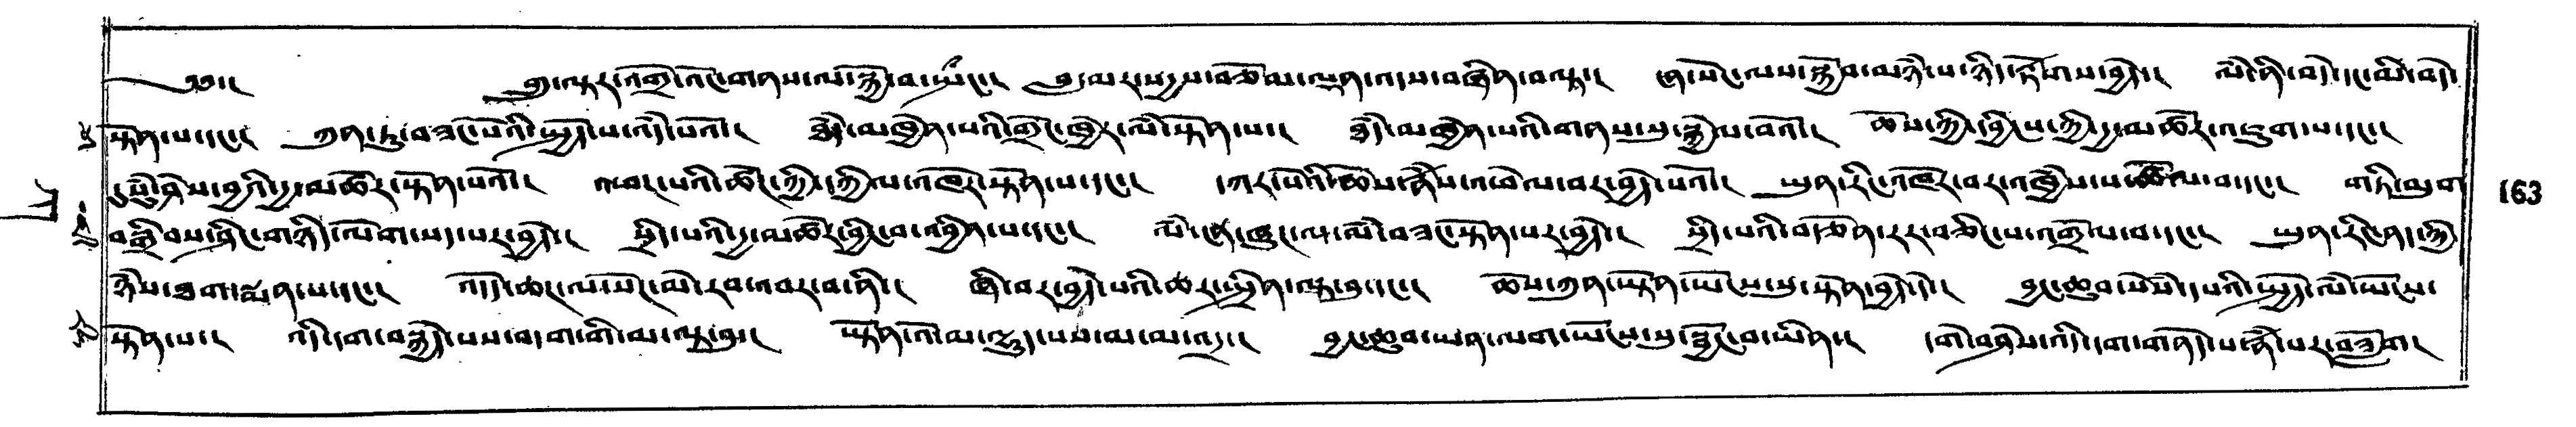གྲུ་ལྟར་འགྲོ་འོང་གནས་ལ་སྐྱོ་བ་སྤང་། །བླ་མར་སངས་རྒྱས་བཅོམ་ལྡན་འདས་བཞིན་བལྟ། །ངན་སོང་ལས་སྐྱོབ་མཉམ་པ་ཉིད་རྟོགས་བྱེད། །ལམ་ནི་བདེ་དང་མི་བདེ་
སྟོན་པ་དང་། །ཀུན་ཏུ་བཟང་པོའི་སྤྱོད་པ་འདམ་པའོ། །ཐམས་ཅད་མཁྱེན་པའི་གྲོང་ཁྱེར་ལམ་སྟོན་པ། །ཐམས་ཅད་མཁྱེན་པའི་གནས་སུ་སྐྱེལ་བའོ། །ཆོས་ཀྱི་དབྱིངས་ཀྱི་རྒྱ་མཚོར་འཇུག་པ་དང་། །
དུས་གསུམ་ཤེས་བྱའི་རྒྱ་མཚོར་སྟོན་པའོ། །འཕགས་པའི་ཚོགས་ཀྱི་དཀྱིལ་འཁོར་སྟོན་པ་དང་། །དཀར་པོའི་ཆོས་རྣམས་འཕེལ་བར་བྱེད་པའོ། །ཡུན་རིང་འཁོར་བར་འཁྱམས་པ་ཚོལ་བ་དང་། །གཏི་མུག་
བསྒྲིབས་ཤིང་གཉིད་ལོག་སད་པར་བྱེད། །སྲིད་པའི་རྒྱ་མཚོར་བྱིང་བ་འབྱིན་པ་དང་། །ལམ་ངན་ཞུགས་ལ་ལམ་བཟང་སྟོན་པར་བྱེད། །སྲིད་པའི་བརྩོན་རར་བཅིངས་པ་འགྲོལ་བ་དང་། །ཡུན་རིང་ནད་ཀྱིས་
ཉམས་ཐག་སྨན་པ་དང་། །འདོད་ཆགས་ལ་སོགས་མེ་རབ་འབར་བ་ནི། །ཞི་བར་བྱེད་པའི་ཆར་སྤྲིན་ལྟ་བུ་དང་། །ཆོས་ཀུན་ཡོན་ཏན་ཡོངས་སུ་སྟོན་བྱེད་དེ། །བྱང་ཆུབ་སེམས་དཔའི་སྤྱོད་ལམ་ཡོངས་
སྟོན་པ། །འདི་དག་བསྐྱེད་པས་བདག་གི་མ་ལྟ་བུ། །ཡོན་ཏན་འོ་མ་ལྡུད་པས་མ་མ་འདྲ། །བྱང་ཆུབ་ཡན་ལག་ཡོངས་སུ་སྦྱོང་བ་ཡིན། །དགེ་བཤེས་འདི་དག་གནོད་པ་རྣམ་པར་བཟློག །